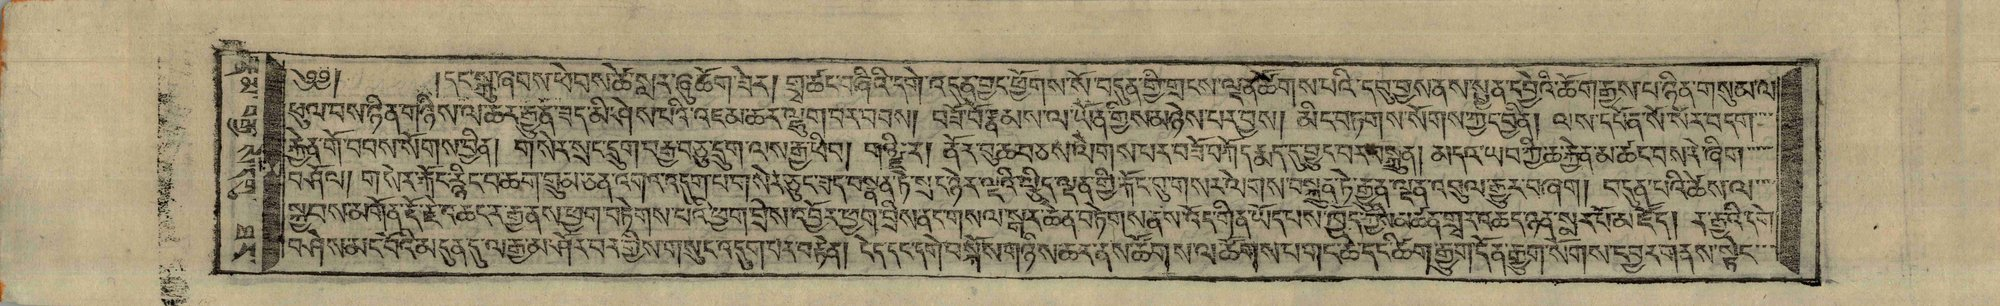༄༅། །དང་སྐུ་ཞབས་ཕེབས་ཚེ་སླར་ཞུ་ཆོག་ཟེར། གྲྭ་ཚང་བཞིའི་དགེ་འདུན་བྱང་ཕྱོགས་སོ་བདུན་གྱི་གྲངས་ལྡན་ཚོགས་པའི་དབུ་བྱས་ནས་སྤྱན་དབྱེའི་ཆོ་ག་རྒྱས་པ་ཉིན་གསུམ་ལ་
ཕུལ་བས་ཉིན་གཉིས་ལ་ཆར་རྒྱུན་ཟད་མི་ཤེས་པའི་འཇམ་ཆར་ལྷུག་པར་བབས། བཟོ་བོ་རྣམས་ལ་ཡོན་གྱིས་མཉེས་པར་བྱས། མིང་བཏགས་སོགས་ཀྱང་བྱིན། ལས་དཔོན་སོ་སོར་བདག་
རྐྱེན་གོ་བབས་སོགས་བྱིན། གསེར་སྲང་དྲུག་བརྒྱ་བཅུ་དྲུག་ལས་རྒྱ་ཕིབ། གཉྫི་ར། ནོར་བུ་ཆ་བཅས་ལེགས་པར་བཟོ་བཀོད་རྨད་དུ་བྱུང་བར་བསྐྲུན། མདའ་ཡབ་ཀྱི་ཆ་རྐྱེན་མ་ཚང་བས་རེ་ཞིག་
བཤོལ༑ གསེར་རྐོང་རྙིང་བ་ཆག་གྲུམ་ཅན་འགའ་འདུག་པ་གསེར་ཅུང་ཟད་བསྣན་ཏེ་སྲང་ཉེར་ལྔའི་ལྕིད་ལྡན་གྱི་རྐོང་བུ་གསར་ལེགས་བསྐྲུན་ཏེ་རྒྱུན་ལྡན་འབུལ་རྒྱུར་བཞག །བདུན་པའི་ཚེས་ལ་
སྐྱབས་མགོན་རྡོ་རྗེ་འཆང་ར་རྒྱ་ནས་ཕྱག་བཏེགས་པའི་ཕྱག་བྲེས་འབྱོར་ཕྱག་བྲིས་ནང་གསལ་སྒར་ཆེན་བཏེགས་ནས་འོང་གིན་ཡོད་པས་ཁྱོད་ཀྱིས་མཚན་གྲྭར་འཆད་ཉན་སྨར་པོ་མཛོད། ར་རྒྱའི་དགེ་
བཤེས་མང་པོའི་མདུན་དུ་ལ་རྒྱ་མ་ཤོར་བར་གྱིས་གསུང་འདུག་པར་བརྟེན། ངེད་དང་དགེ་བསྐོས་གཉིས་ཆར་ནས་ཚོགས་ལ་ཚོགས་པ་གང་ཆེ་དང་ཚིག་རྒྱུག་དོན་རྒྱུག་སོགས་དབྱར་གནས་སྟེང་